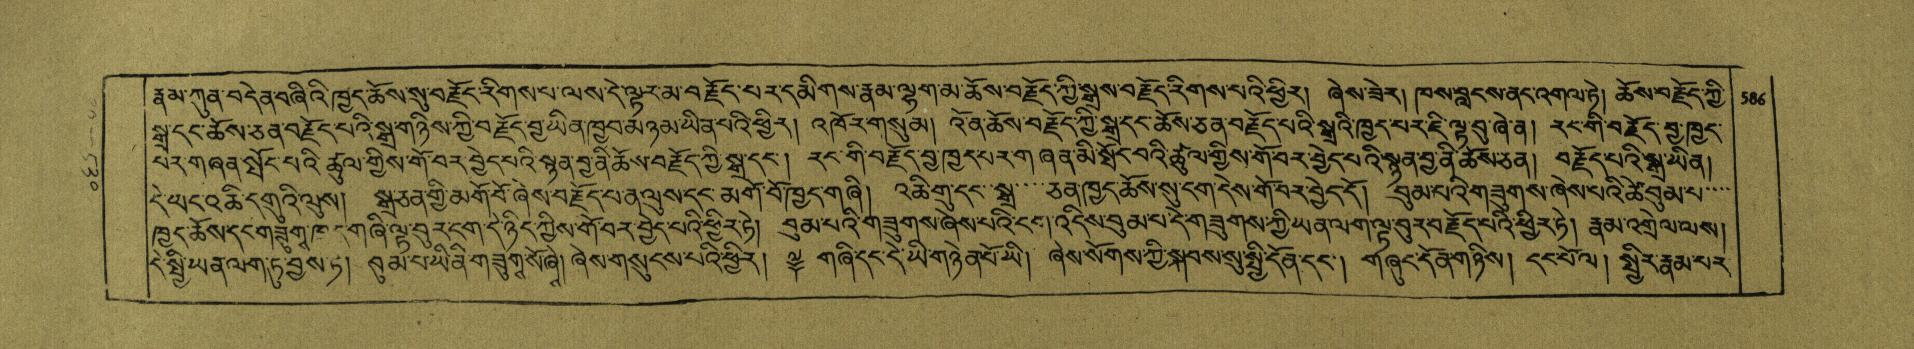རྣམ་ཀུན་བདེན་བཞིའི་ཁྱད་ཆོས་སུ་བརྗོད་རིགས་པ་ལས་དེ་ལྟར་མ་བརྗོད་པར་དམིགས་རྣམ་ལྷག་མ་ཆོས་བརྗོད་ཀྱི་སྒྲས་བརྗོད་རིགས་པའི་ཕྱིར། ཞེས་ཟེར། ཁས་བླངས་ནང་འགལ་ཏེ། ཆོས་བརྗོད་ཀྱི་
སྒྲ་དང་ཆོས་ཅན་བརྗོད་པའི་སྒྲ་གཉིས་ཀྱི་བརྗོད་བྱ་ཡིན་ཁྱབ་མཉམ་ཡིན་པའི་ཕྱིར། འཁོར་གསུམ། འོ་ན་ཆོས་བརྗོད་ཀྱི་སྒྲ་དང་ཆོས་ཅན་བརྗོད་པའི་སྒྲའི་ཁྱད་པར་ཇི་ལྟ་བུ་ཞེ་ན། རང་གི་བརྗོད་བྱ་ཁྱད་
པར་གཞན་སྤོང་པའི་ཚུལ་གྱིས་གོ་བར་བྱེད་པའི་སྙན་བྱ་ནི་ཆོས་བརྗོད་ཡི་སྒྲ་དང་། རང་གི་བརྗོད་བྱ་ཁྱད་པར་གཞན་མི་སྤོང་བའི་ཚུལ་གྱིས་གོ་བར་བྱེ་དཔའི་སྙན་བྱ་ནི་ཆོས་ཅན། བརྗོད་པའི་སྒྲ་ཡིན།
དེ་ཡང་འཆི་དགུའི་ལུས། སྒྲ་ཅན་གྱི་མགོ་བོ་ཞེས་བརྗོད་པ་ན་ལུས་དང་མགོ་བོ་ཁྱད་གཞི། འཆི་གུ་དང་སྒྲ་ཅན་ཁྱད་ཆོས་སུ་ངག་དེས་གོ་བར་བྱེད་དོ། བུམ་པའི་གཟུགས་ཞེས་པའི་ཚེ་བུམ་པ་
ཁྱད་ཆོས་དང་གཟུགས་ཁྱད་གཞི་ལྟ་བུར་ངག་དེ་ཉིད་ཀྱིས་གོ་བར་བྱེད་པའི་ཕྱིར་ཏེ། བུམ་པའི་གཟུགས་ཞེས་པའི་ངག་འདིས་བུམ་པ་དེ་གཟུགས་ཀྱི་ཡན་ལག་ལྟ་བུར་བརྗོད་པའི་ཕྱིར་ཏེ། རྣམ་འགྲེལ་ལས།
དེ་སྤྱི་ཡན་ལག་ཏུ་བྱས་ཏེ། བུམ་པ་ཡི་ནི་གཟུགས་སོ་ཞེས། ཞེས་གསུངས་པའི་ཕྱིར། ༈ གཞི་དང་དེ་ཡི་གཉེན་པོ་ཡི། ཞེས་སོགས་ཀྱི་སྐབས་སུ་སྤྱི་དོན་དང་། གཞུང་དོན་གཉིས། དང་པོ་ལ། སྦྱིར་རྣམ་པར་